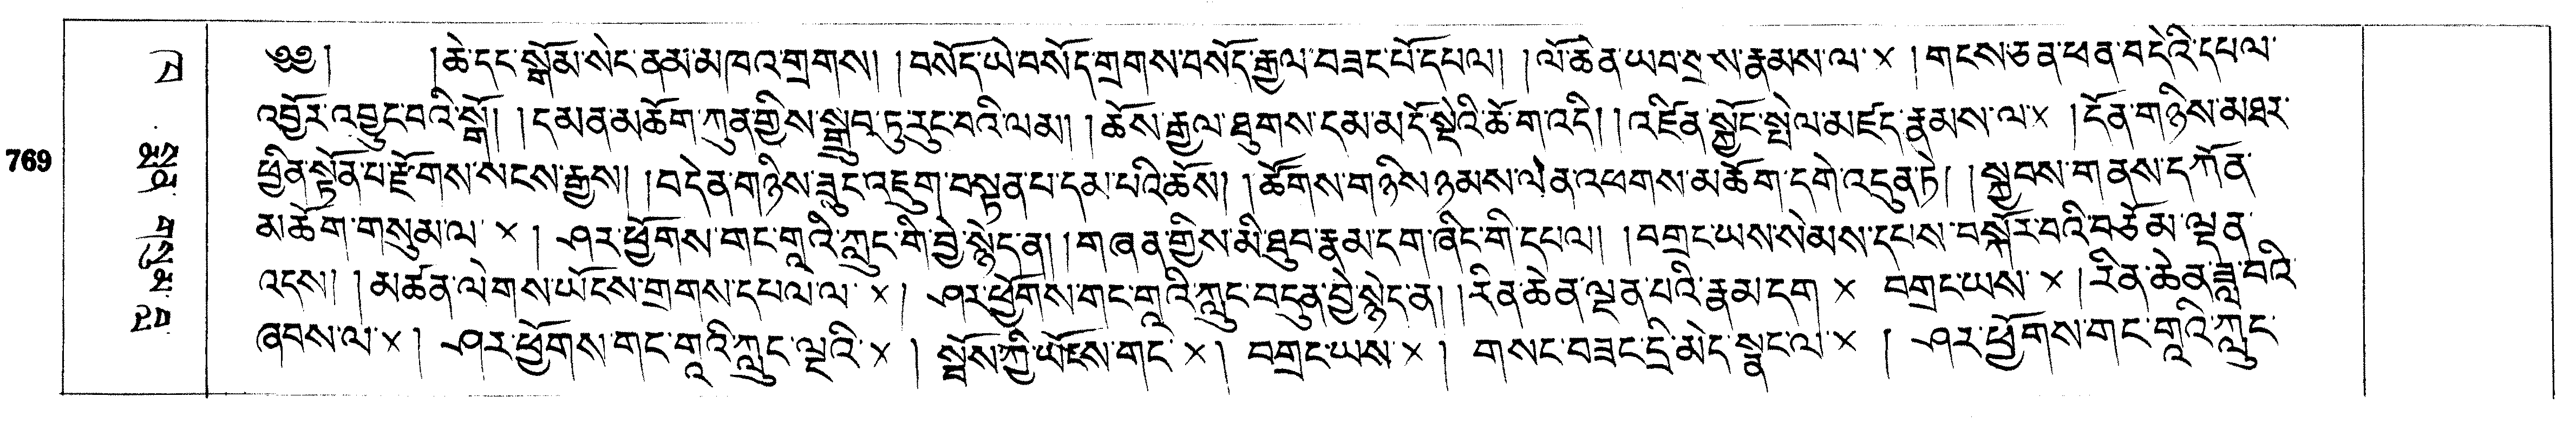༄༅། །ཆེ་དང་སྒོམ་སེང་ནམ་མཁའ་གྲགས། །བསོད་ཡེ་བསོད་གྲགས་བསོད་རྒྱལ་བཟང་པོ་དཔལ། །ལོ་ཆེན་ཡབ་སྲས་རྣམས་ལ་྾་།གངས་ཅན་ཕན་བདེའི་དཔལ་
འབྱོར་འབྱུང་བའི་སྒོ། །དམན་མཆོག་ཀུན་གྱིས་སྒྲུབ་ཏུ་རུང་བའི་ལམ། །ཆོས་རྒྱལ་ཐུགས་དམ་མདོ་སྡེའི་ཆོ་ག་འདི། །འཛིན་སྐྱོང་སྤེལ་མཛད་རྣམས་ལ་྾་།དོན་གཉིས་མཐར་
ཕྱིན་སྟོན་པ་རྫོགས་སངས་རྒྱས། །བདེན་གཉིས་ཟུང་འཇུག་བསྟན་པ་དམ་པའི་ཆོས། །ཚོགས་གཉིས་ཉམས་ལེན་འཕགས་མཆོག་དགེ་འདུན་ཏེ། །སྐྱབས་གནས་དཀོན་
མཆོག་གསུམ་ལ་྾་།ཤར་ཕྱོགས་གང་གཱའི་ཀླུང་གི་བྱེ་སྙེད་ན། །གཞན་གྱིས་མི་ཐུབ་རྣམ་དག་ཞིང་གི་དཔལ། །བགྲང་ཡས་སེམས་དཔས་བསྐོར་བའི་བཅོམ་ལྡན་
འདས། །མཚན་ལེགས་ཡོངས་གྲགས་དཔལ་ལ་྾། ཤར་ཕྱོགས་གང་གཱའི་ཀླུང་བདུན་བྱེ་སྙེད་ན། །རིན་ཆེན་ལྡན་པའི་རྣམ་དག་྾་བགྲང་ཡས་྾། རིན་ཆེན་ཟླ་བའི་
ཞབས་ལ་྾། ཤར་ཕྱོགས་གང་གཱའི་ཀླུང་ལྔའི་྾། སྦོས་ཀྱི་ཡོངས་གང་྾། བགྲང་ཡས་྾། གསང་བཟང་དྲི་མེད་སྣང་ལ་྾། ཤར་ཕྱོགས་གང་གཱའི་ཀླུང་